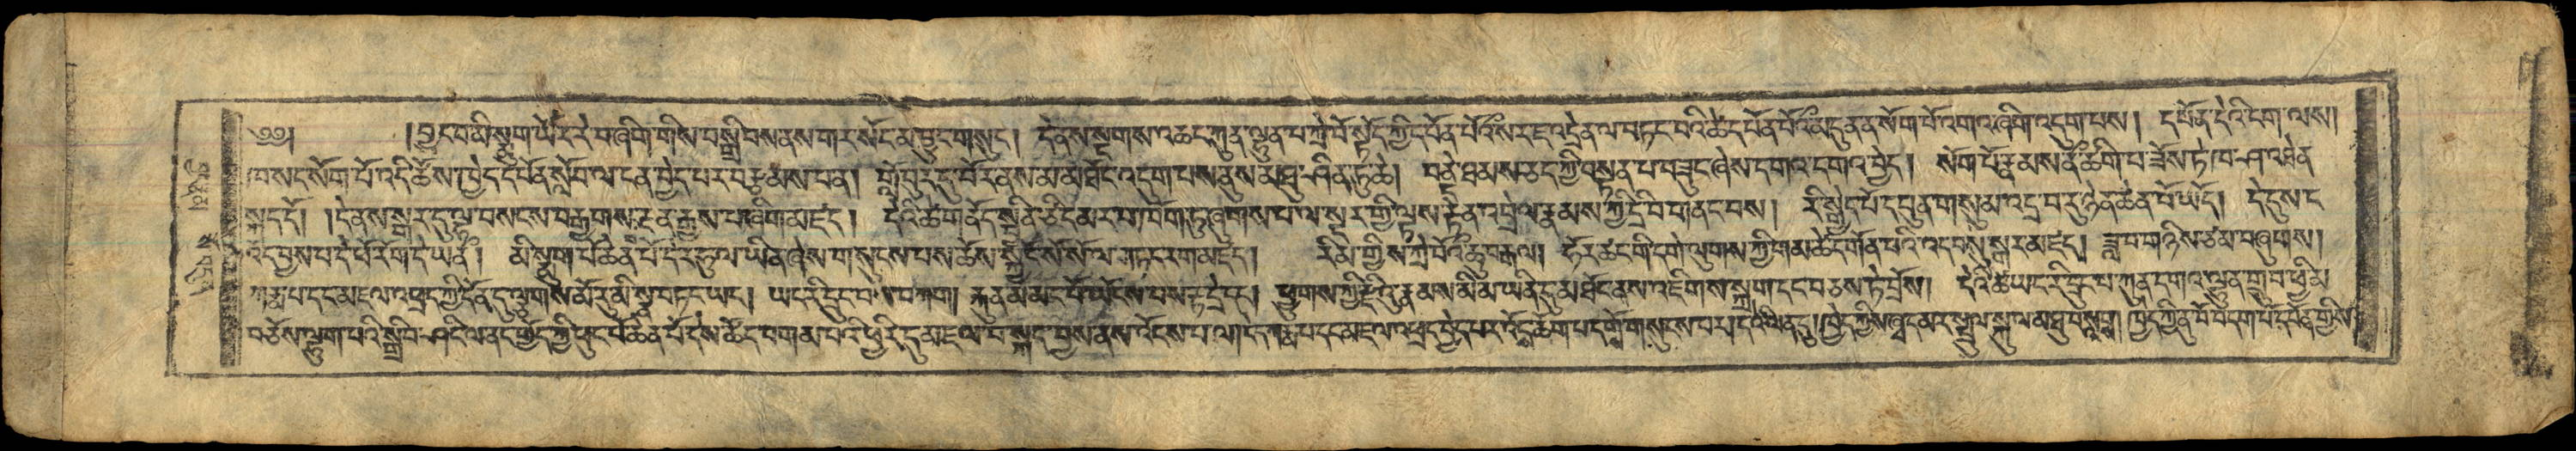༄༅། །བྱུང་བ་མི་སྨུག་ཡོར་རེ་བ་ཞིག་གིས་བསྒྲིབས་ནས་གར་སོང་མ་བྱུང་གསུང་། དེ་ནས་སྔགས་འཆང་ཀུན་ལྷུན་པ་ཀྲེ་བོ་སྟོད་ཀྱི་དཔོན་པོཨཱྀ་སར་ཇ་འདྲེན་ལ་བཏང་བའི་ཚེ་དཔོན་པོཨཱྀ་མདུན་ན་སོག་པོ་འགའ་ཞིག་འདུག་པས། དཔོན་དེའི་ངག་ལས།
ཁ་སང་སོག་པོ་འདི་ཚོས་ཁྱེད་དཔོན་སློབ་ལ་ངན་བྱེད་པར་བརྩམས་པ་ན། གློ་བུར་དུ་བོར་ནས་མ་མཐོང་འདུག་པས་ནུས་མཐུ་ཤིན་ཏུ་ཆེ། བནྡེ་ཐམས་ཅད་ཀྱི་བསྟན་པ་བཟུང་ཞེས་དགའ་དགའ་བྱེད། སོག་པོ་རྣམས་ནྀ་ཚིག་པ་ཟོས་ཏེ་ཁ་ཤ་འཐེན་
སྐད་དོ། །དེ་ནས་སྒར་དུ་ལྷ་བསངས་བརྒྱགས་རྔན་རྒྱས་པ་ཞིག་མཛད། དེའི་ཚེ་གནོད་སྦྱིན་ཅི་དམར་པ་ཁོག་ཏུ་ཞུགས་པ་ལ་སྔར་གྱི་ལྟར་རྟེན་འབྲེལ་རྣམས་ཀྱི་དྲི་བ་གནང་བས། རི་སྒྱེད་པོ་དཔུན་གསུམ་འདྲ་བ་རུ་ཉེན་ཆེན་པོ་ཡོང་། དེ་དུས་ད་
འོང་བྱས་པ་དེ་ཕོ་རོག་དེ་ཡིན། མི་སྨུག་པོ་ཆེན་པོ་དེར་ཧུལ་ཡིན་ཞེས་གསུངས་པས་ཆོས་སྐྱོང་སོ་སོ་ལ་གཏང་རག་མཛད། རིམ་གྱིས་ཀྲེ་བོཨཱྀ་ཆུ་བརྒལ། ཧོར་ཚང་གི་དགེ་ལུགས་ཀྱི་གམ་ཚེ་དགོན་པའི་འདབས་སུ་སྒར་མཛད། ཟླ་བ་གཉིས་ཙམ་བཞུགས།
ཀརྨ་པ་དང་མཇལ་འཕྲད་ཀྱི་དོན་དུ་ལྕགས་མོ་རུ་མི་སྣ་བཏང་ཡང་། ཡང་རི་དྲུང་པས་བཀག། རྐུན་མ་མང་པོ་ཡོངས་པས་རྟ་དེར་དང་། ཕྱུགས་ཀྱི་རྫིའུ་རྣམས་མི་མ་ཡིན་དུ་མཐོང་ནས་འཇིགས་སྐྲག་དང་བཅས་ཏེ་བྲོས། དེའི་ཚེ་ཡང་རི་དུང་པ་ཀུན་དགའ་ལྷུན་གྲུབ་ཕྱི་མ་
བཅོས་ལྷུག་པའི་སྒྲིབ་ཤིང་ལ་ནང་གྱོད་ཀྱི་ཕུང་པོ་ཆེན་པོ་དེས་ཚོད་བག་མ་པའི་ཕྱིར་དུ་མཇལ་བ་སྐད་བྱས་ནས་འོངས་པ་ལ། དེད་ཀརྨ་པ་དང་མཇལ་འཕྲང་བྱེད་པར་འོངས་ཆོག་པ་དགོས་གསུངས་པར། དེའི་ལན་དུ། ཁྱེད་ཀྱིས་ཞྭ་དམར་སྤྲུལ་སྐུ་ལ་མཐུ་བསླབས། ཁྱེད་ཀྱི་ནུ་བོ་བདག་པོ་དཔོན་གྱིས་